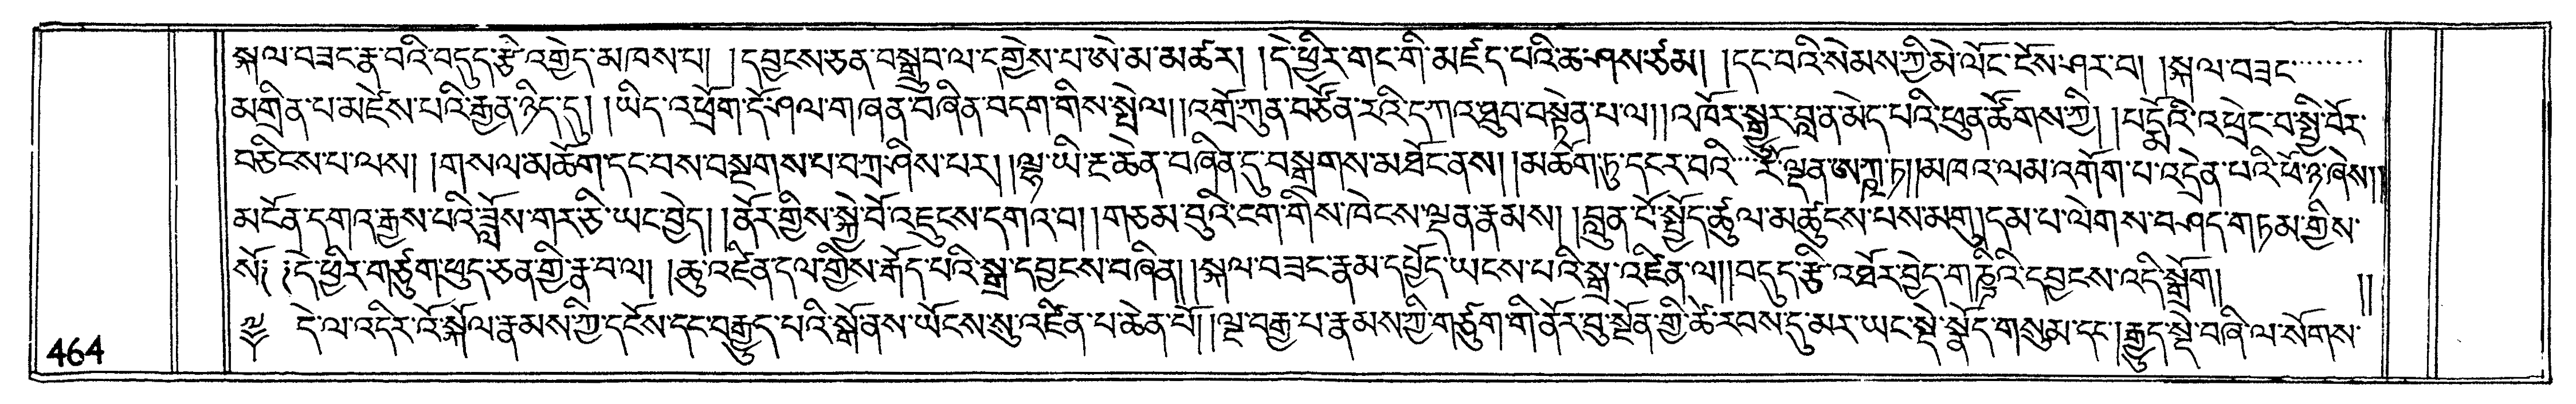སྐལ་བཟང་རྣ་བའི་བདུད་རྩི་འགྱེད་མཁས་པ། །དབྱངས་ཅན་བསྒྲུབ་ལ་དགྱེས་པ་ཨེ་མ་མཚར། །དེ་ཕྱིར་གང་གི་མཛད་པའི་ཆ་ཤས་ཙམ། །དང་བའི་སེམས་ཀྱི་མེ་ལོང་ངོས་ཤར་བ། །སྐལ་བཟང་
མགྲིན་པ་མཛེས་པའི་རྒྱན་ཉིད་དུ། །ཡིད་འཕྲོག་དོ་ཤལ་གཞན་བཞིན་བདག་གིས་སྤེལ། །འགྲོ་ཀུན་བཙོན་རའི་དཀའ་ཐུབ་བསྟེན་པ་ལ། །འཁོར་སྒྱུར་བླ་ན་མེད་པའི་ཕུན་ཚོགས་ཀྱི། །པདམོའི་འཕྲེང་བ་སྤྱི་བོར་
བཅིངས་པ་ལས། །གསལ་མཆོག་དང་བས་བསྔགས་པ་བཀྲ་ཤིས་པར། །ལྷ་ཡི་རྔ་ཆེན་བཞིན་དུ་བསྒྲགས་མཐོང་ནས། །མཆོག་ཏུ་དངར་བའི་རོ་ལྡན་ཨཀྵ་ཏ། །མཁའ་ལམ་འགོག་པ་འདྲེན་པའི་ཕོ་ཉ་ཞེས། །
མངོན་དགའ་རྒྱས་པའི་ཟློས་གར་ཅི་ཡང་བྱེད། །ནོར་གྱིས་སྐྱེ་བོ་འཇུངས་དགའ་བ། །གཅམ་བུའི་ངག་གིས་ཁེངས་ལྡན་རྣམས། །བླུན་པོ་སྤྱོད་ཚུལ་མཚུངས་པས་མགུ །དམ་པ་ལེགས་བཤད་གཏམ་གྱིས་
སོ༑ ༑དེ་ཕྱིར་གཙུག་ཕུད་ཅན་གྱི་རྣ་བ་ལ། །ཆུ་འཛིན་དལ་གྱིས་རྒོད་པའི་སྒྲ་དབྱངས་བཞིན། །སྐལ་བཟང་རྣམ་དཔྱོད་ཡངས་པའི་སྒྲ་འཛིན་ལ། །བདུད་རྩི་འཐོར་བྱེད་གཎྜིའི་དབྱངས་འདི་སྒྲོག ། །།
༈ དེ་ལ་འདིར་འོ་སྐོལ་རྣམས་ཀྱི་དངོས་དང་བརྒྱུད་པའི་སྒོ་ནས་ཡོངས་སུ་འཛིན་པ་ཆེན་པོ། །ལྔ་བརྒྱ་པ་རྣམས་ཀྱི་གཙུག་གི་ནོར་བུ་སྔོན་གྱི་ཚེ་རབས་དུ་མར་ཡང་སྡེ་སྣོད་གསུམ་དང་། རྒྱུད་སྡེ་བཞི་ལ་སོགས་